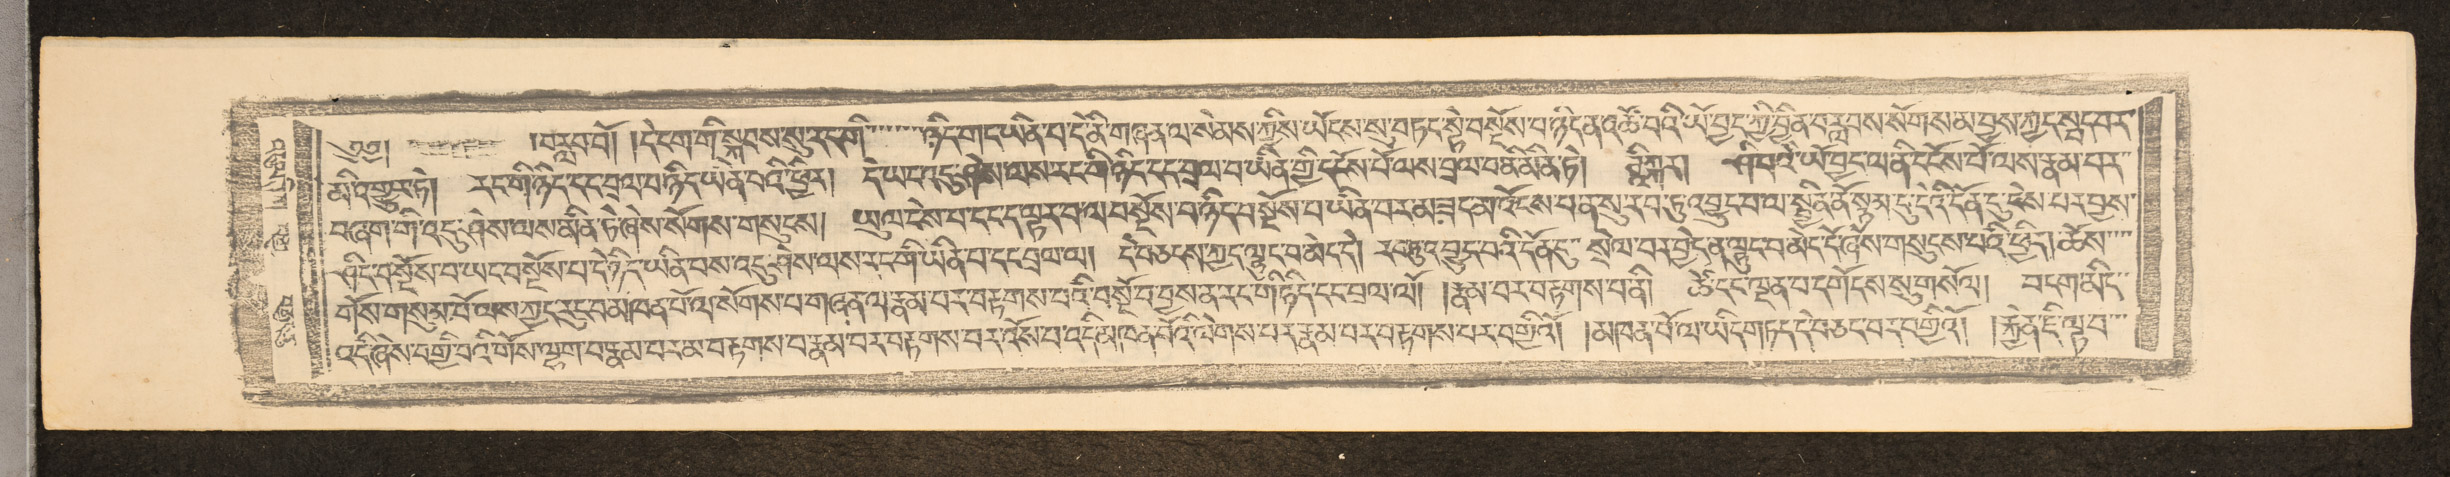༄༅། །བརླབ་བོ། །དེ་དག་གི་སྐབས་སུ་རང་གི་ཉིད་གང་ཡིན་པ་དེ་ནི་གཞན་ལ་སེམས་ཀྱིས་ཡོངས་སུ་བཏང་སྟེ་བསྔོས་པ་ཉིད་ན་འཚོ་བའི་ཡོ་བྱད་ཀྱི་བྱིན་བརླབས་སོགས་མ་བྱས་ཀྱང་སྤང་བར་
མི་འགྱུར་ཏེ། རང་གི་ཉིད་དང་བྲལ་བ་ཉིད་ཡིན་པའི་ཕྱིར། དེ་ཡང་འདུ་ཤེས་ལས་རང་གི་ཉིད་དང་བྲལ་བ་ཡིན་གྱི་དངོས་པོ་ལས་བྲལ་བ་ནི་མིན་ཏེ། ཊཱིཀྐར། ཤི་བའི་ཡོ་བྱད་ལ་ནི་དངོས་པོ་ལས་རྣམ་པར་
བཞག་གི་འདུ་ཤེས་ལས་མིན་ཏེ་ཞེས་སོགས་གསུངས། ཡུལ་དེས་བ་དང་ད་ལྟར་བ་ལ་པ་སྔོས་པ་ཉིད་བསྔོས་པ་ཡིན་པར་མ་ཟད་མ་འོངས་པ་ན་སུ་རབ་ཏུ་འབྱུང་བ་ལ་སྦྱིན་ནོ་སྙམ་དུ་དེའི་དོན་དུ་ངེས་པར་བྱས་
ཤིང་བསྔོས་པ་ཡང་བསྔོས་པ་དེ་ཉིད་ཡིན་པས་འདུ་ཤེས་ལས་རང་གི་ཡིན་པ་དང་བྲལ་ལ། དེ་བཅངས་ཀྱང་ལྟུང་བ་མེད་དེ། རབ་ཏུ་འབྱུང་བའི་དོན་དུ་སྲེ་ལ་བར་བྱེད་ན་ལྟུང་བ་མེད་དོ་ཞེས་གསུངས་པའི་ཕྱིར། ཆོས་
གོས་གསུམ་པོ་ལས་ཀྱང་རུང་བ་མཁན་པོ་ལ་སོགས་པ་གཞན་ལ་རྣམ་པར་བརྟགས་པའི་བསྔོ་བ་བྱས་ན་རང་གི་ཉིད་དང་བྲལ་ལོ། །རྣམ་པར་བརྟགས་པ་ནི། །ཚེ་དང་ལྡན་པ་དགོངས་སུ་གསོལ། བདག་མིང་མིང་
འདི་ཞེས་བགྱི་བའི་གོས་ལྷག་པ་རྣམ་པར་མ་བརྟགས་པ་རྣམ་པར་བརྟགས་པར་འོས་བ་འདི་མཁན་པོའི་ལེགས་པར་རྣམ་པར་བརྟགས་པར་བགྱིའོ། །མཁན་པོ་ལ་ཡིད་གཏད་དེ་བཅང་བར་བགྱིའོ། །རྐྱེན་ཇི་ལྟ་བ་